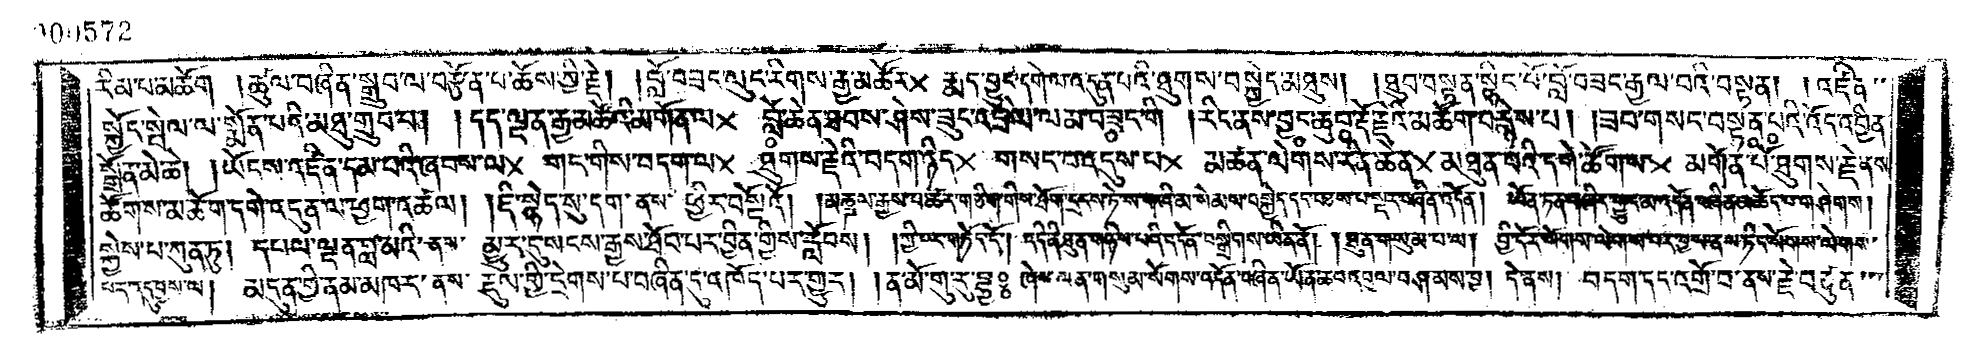རིམ་པ་མཆོག །ཚུལ་བཞིན་སྒྲུབ་ལ་བརྩོན་པ་ཆོས་ཀྱི་རྗེ། །བློ་བཟང་ལུང་རིགས་རྒྱ་མཚོར྾་རྨད་བྱུང་དགེ་ལ་འདུན་པའི་ཐུགས་བསྐྱེད་མཐུས། །ཐུབ་བསྟན་སྙིང་པོ་བློ་བཟང་རྒྱལ་བའི་བསྟན། །འཛིན་
སྐྱོང་སྤེལ་ལ་སྨོན་པའི་མཐུ་གྲུབ་པ། །དད་ལྡན་རྒྱ་མཚོའི་མགོན་ལ྾་བློ྾་ཆེན་ཐབས་ཤེས་ཟུང་འབྲེལ་ལམ་བཟང྾་གི །རིང་ནས་བྱང྾་ཆུབ྾་རྡོ་རྗེའི་མཆོག་བརྙེས་པ། །ཟབ་གསང་བསྟན྾་པའི྾་འོད་འབྱིན་
སྒྲོན་མེ་ཆེ། །ཡོངས་འཛིན་དམ་པའི་ཞབས་ལ྾་གང་གིས་བདག་ལ྾་ཐུགས་རྗེའི་བདག་ཉིད྾་གསང་བ་འདུས་པ྾་མཚན་ལེགས་རིན་ཆེན྾་མཐུན་པའི་དགེ་ཚོགས྾་མགོན་པོ་ཐུགས་རྗེ་ནས
ཚོགས་མཆོག་དགེ་འདུན་ལ་ཕྱག་འཚལ། །ཇི་སྙེད་སུ་དག་ནས་ཕྱིར་བསྔོའོ། ། མཎྜལ་རྒྱས་པ་ཚར་གཅིག་གིས་ཐོག་དྲངས་ཏེ་ས་གཞི་མ་སེམས་བསྐྱེད་དང་བཅས་པ་སྔར་བཞིན་འདོན། ཡོན་ཏན་གཞིར་གྱུར་མ་འདོན་བཞིན་མཆོད་པ་གཤེགས།
སྐྱེས་པ་ཀུན་ཏུ། དཔལ་ལྡན་བླ་མའི་ནས་མྱུར་དུ་སངས་རྒྱས་ཐོབ་པར་བྱིན་གྱིས་རློབས། །ཀྱི་བར་གཏོང་ངོ། འདི་ནི་ཐུན་གཉིས་པའི་འདོན་བསྒྲིགས་ཡིན་ནོ། །ཐུན་གསུམ་པ་ལ། བྱི་དོར་སོགས་ལེགས་པར་བྱས་ནས་ཏིང་སོགས་ལེགས་
པར་འདུ་བྱས་ལ། མདུན་གྱི་ནམ་མཁར་ནས་རྡུལ་གྱི་དྲེགས་པ་བཞིན་དུ་འཁོད་པར་གྱུར། །ན་མོ་གུ་རུ་བྷྱཿ ཞེས་ལན་གསུམ་སོགས་འདོན་བཞིན་ཡོན་ཆབ་འབུལ་བཤམས་བྱ། དེ་ནས།  བདག་དང་འགྲོ་བ་ནས་རྗེ་བཙུན་